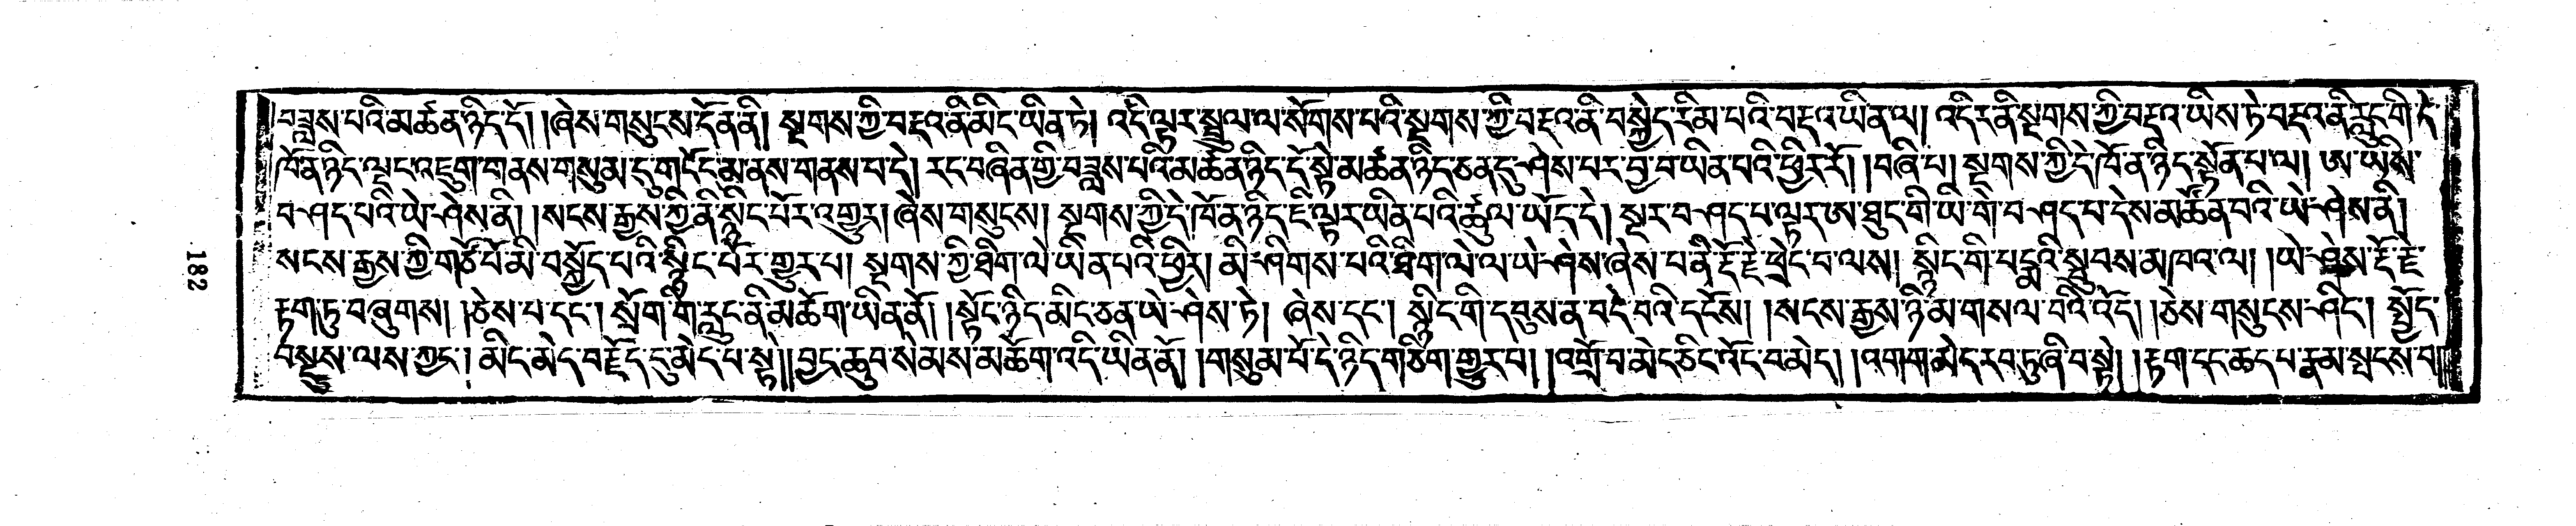བཟླས་པའི་མཚན་ཉིད་དོ། །ཞེས་གསུངས། དོན་ནི། སྔགས་ཀྱི་བརྡའ་ནི་མིང་ཡིན་ཏེ། འདི་ལྟར་སྦྲུལ་ལ་སོགས་པའི་སྔགས་ཀྱི་བརྡའ་ནི་བསྐྱེད་རིམ་པའི་བརྡའ་ཡིན་ལ། འདིར་ནི་སྔགས་ཀྱི་བརྡའ་ཡིས་ཏེ་བརྡའ་ནི་རླུང་གི་དེ་
ཁོ་ན་ཉིད་ལྡང་འཇུག་གནས་གསུམ་དུ་གདོད་མ་ནས་གནས་པ་དེ། རང་བཞིན་གྱི་བཟླས་པའི་མཚན་ཉིད་དོ་སྟེ་མཚན་ཉིད་ཅན་དུ་ཤེས་པར་བྱ་བ་ཡིན་པའི་ཕྱིར་རོ། །བཞི་པ། སྔགས་ཀྱི་དེ་ཁོ་ན་ཉིད་སྟོན་པ་ལ། ཨ་ཡིས་
བཤད་པའི་ཡེ་ཤེས་ནི། །སངས་རྒྱས་ཀྱི་ནི་སྙིང་པོར་འགྱུར། ཞེས་གསུངས། སྔགས་ཀྱི་དེ་ཁོ་ན་ཉིད་ཇི་ལྟར་ཡིན་པའི་ཚུལ་ཡོད་དེ། སྔར་བཤད་པ་ལྟར་ཨ་ཐུང་གི་ཡི་གེ་བཤད་པ་དེས་མཚོན་པའི་ཡེ་ཤེས་ནི།
སངས་རྒྱས་ཀྱི་གཙོ་བོ་མི་བསྐྱོད་པའི་སྙིང་པོར་གྱུར་པ། སྔགས་ཀྱི་ཐིག་ལེ་ཡིན་པའི་ཕྱིར། མི་ཤིགས་པའི་ཐིག་ལེ་ལ་ཡེ་ཤེས་ཞེས་པ་ནི་རྡོ་རྗེ་ཕྲེང་བ་ལས། སྙིང་གི་པདམའི་སྦུབས་མཁའ་ལ། །ཡེ་ཤེས་རྡོ་རྗེ་
རྟག་ཏུ་བཞུགས། །ཅེས་པ་དང་། སྲོག་གི་རླུང་ནི་མཆོག་ཡིན་ནོ། །སྟོང་ཉིད་མིང་ཅན་ཡེ་ཤེས་ཏེ། ཞེས་དང་། སྙིང་གི་དབུས་ན་བདེ་བའི་དངོས། །སངས་རྒྱས་ཉི་མ་གསལ་བའི་འོད། །ཅེས་གསུངས་ཤིང་། སྤྱོད་
བསྡུས་ལས་ཀྱང་། མིང་མེད་བརྗོད་དུ་མེད་པ་སྟེ། །བྱང་ཆུབ་སེམས་མཆོག་འདི་ཡིན་ནོ། །གསུམ་པོ་དེ་ཉིད་གཅིག་གྱུར་པ། །འགྲོ་བ་མེད་ཅིང་འོང་བ་མེད། །འགག་མེད་རབ་ཏུ་ཞི་བ་སྟེ། །རྟག་དང་ཆད་པ་རྣམ་སྤངས་པ།